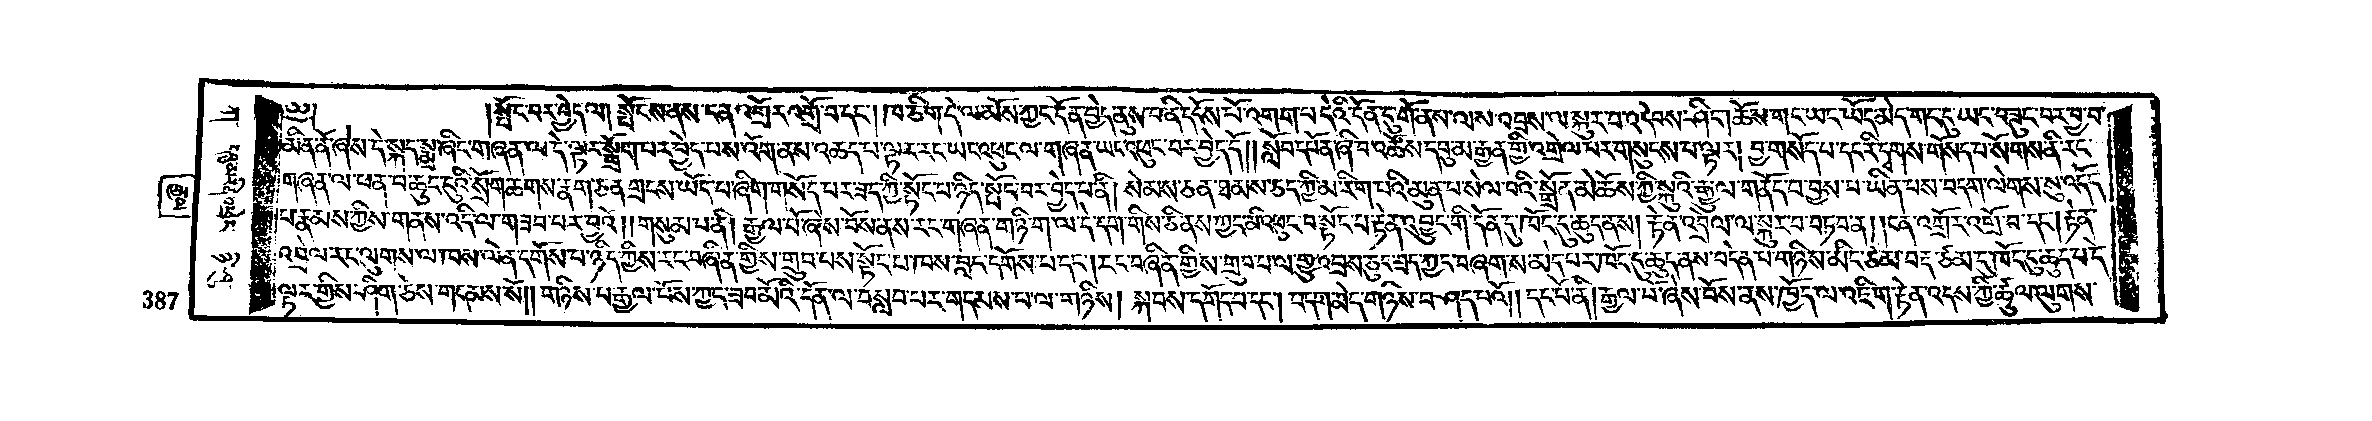༄༅། །སྤོང་བར་བྱེད་ལ། སྤོངས་ནས་ངན་འགྲོར་འགྲོ་བ་དང་། ཁ་ཅིག་དེ་ལ་མོས་ཀྱང་དོན་བྱེད་ནུས་པ་ནི་དངོས་པོ་འགག་པ་དེའི་དོན་དུ་གོ་ནས་ལས་འབྲས་ལ་སྐུར་བ་འདེབས་ཤིང་། ཆོས་གང་ཡང་ཡོད་མེད་གང་དུ་ཡང་བཟུང་བར་བྱ་བ་
མིན་ནོ་ཞེས་དེ་སྐད་སྨྲ་ཞིང་གཞན་ལ་དེ་ལྟར་སྒྲོག་པར་བྱེད་པས་འོག་ནས་འཆད་པ་ལྟར་རང་ཡང་འཕུང་ལ་གཞན་ཡང་འཕུང་ལ་གཞན་ཡང་འཕུང་བར་བྱེད་དོ། །སློབ་དཔོན་ཞི་བ་འཚོས་དབུ་མ་རྒྱན་གྱི་འགྲེལ་པར་གསུངས་པ་ལྟར། བྱ་གསོད་པ་དང་རི་དྭགས་གསོད་པ་སོགས་ནི་རང་
གཞན་ལ་ཕན་པ་ཆུང་ངུའི་སྲོག་ཆགས་རྣག་ཅན་གྲངས་ཡོད་པ་ཞིག་གསོད་པར་ཟད་ཀྱི་སྟོང་པ་ཉིད་སྤོང་བར་བྱེད་པ་ནི། སེམས་ཅན་ཐམས་ཅད་ཀྱི་མ་རིག་པའི་མུན་པ་སེལ་བའི་སྒྲོན་མེ་ཆོས་ཀྱི་སྐུའི་རྒྱུ་ལ་གནོད་པ་བྱས་པ་ཡིན་པས་བདག་ལེགས་སུ་འདོད་
པ་རྣམས་ཀྱིས་གནས་འདི་ལ་གཟབ་པར་བྱའོ། །གསུམ་པ་ནི། རྒྱལ་པོ་ཞེས་བོས་ནས་རང་བཞིན་གྱི་ག་ལ་དེ་དག་གིས་ཅི་ནས་ཀྱང་མི་འཕུང་བ་སྟོང་པ་རྟེན་འབྱུང་གི་དོན་དུ་ཁོང་དུ་ཆུད་ནས། རྟེན་འབྲེལ་ལ་སྐུར་བ་བཏབ་ན། །ངན་འགྲོར་འགྲོ་བ་དང་། རྟེན་
འབྲེལ་རང་ལུགས་ལ་ཁས་ལེན་དགོས་པ་ཉིད་ཀྱིས་རང་བཞིན་གྱིས་གྲུབ་པས་སྟོང་པ་ཁས་བླང་དགོས་པ་དང་། རང་བཞིན་གྱིས་གྲུབ་པ་ལ་གྱུར་འབྲས་ཅུང་ཟད་ཀྱང་བཞག་ས་མེད་པར་ཁོང་དུ་ཆུད་ནས་བདེན་པ་གཉིས་མིང་ཙམ་བརྡ་ཙམ་དུ་ཁོང་དུ་ཆུད་པ་དེ་
ལྟར་གྱིས་ཤིག་ཅེས་གདམས་སོ། །གཉིས་པ་རྒྱལ་པོས་ཀྱང་ཟབ་མོའི་དོན་ལ་བསླབ་པར་གདམས་པ་ལ་གཉིས། སྐབས་དགོད་པ་དང་། བདག་མེད་གཉིས་བཤད་པའོ། །དང་པོ་ནི། རྒྱལ་པོ་ཞེས་བོས་ནས་ཁྱོད་ལ་འཇིག་རྟེན་འདས་ཀྱི་ཚུལ་ལུགས་